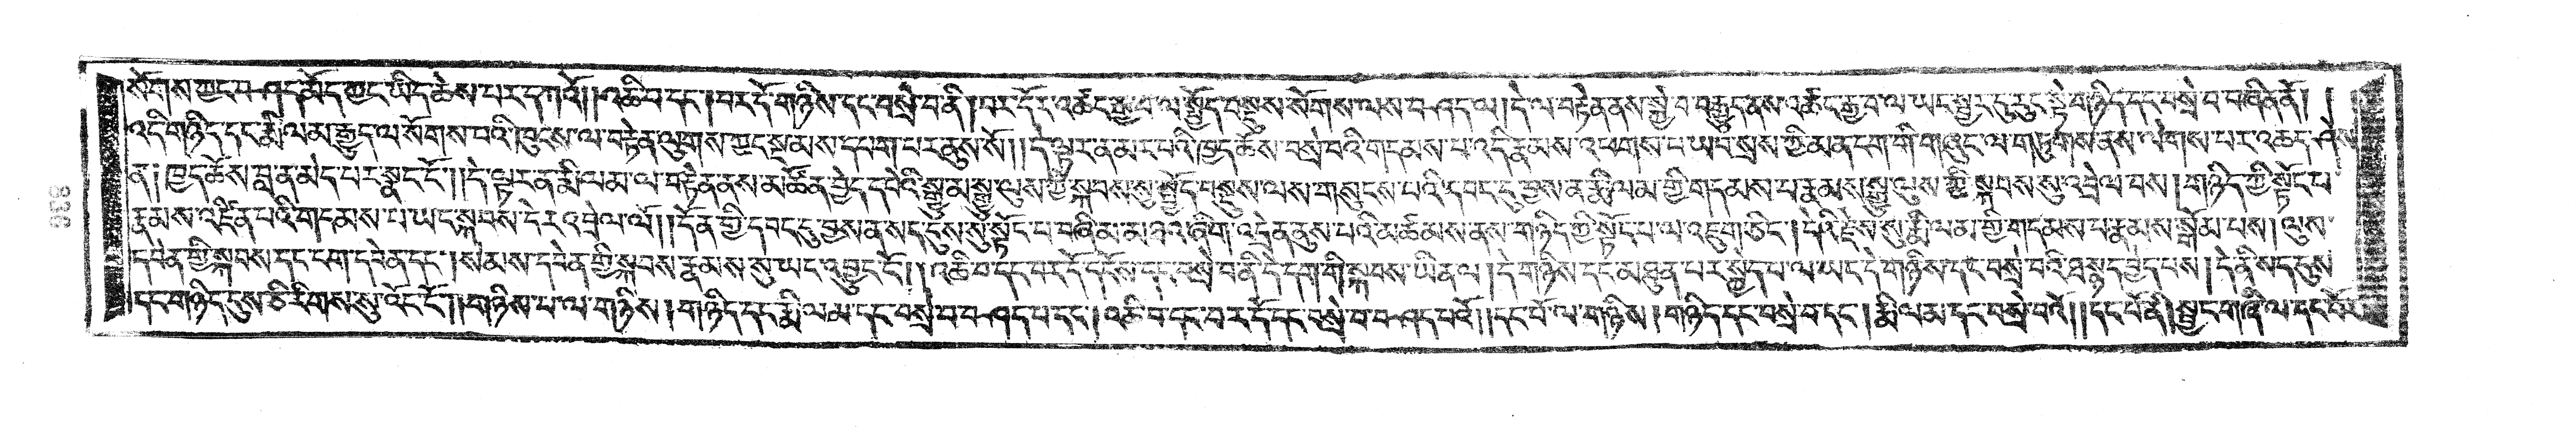སོགས་ཀྱང་བཤད་མོད་ཀྱང་ཡིད་ཆས་པར་དཀའོ། །འཆེ་བ་དང་། བར་དོ་གཉིས་དང་བསྲེ་བ་ནི། བར་དོར་འཆང་རྒྱ་བ་ལ་སྤྱོད་བསྡུས་སོགས་ལས་བཤད་ལ། དེ་ལ་བརྟེན་ནས་སྐྱེ་བ་བརྒྱུད་ནས་འཚང་རྒྱ་བ་ལ་ཡང་སྦྱར་དུ་རུང་སྟེ་གཉིད་དང་བསྲེ་བ་བཞིན་ནོ། །
འདི་གཉིད་དང་རྨི་ལམ་རྒྱུད་ལ་སོགས་པའི་ཁུངས་ལ་བརྟེན་ལུགས་ཀྱང་སྔ་མས་དཔག་པར་ནུས་སོ། །དེ་ལྟར་ན་མར་པའི་ཁྱད་ཆོས་བསྲེ་བའི་གདམས་པ་འདི་རྣམས་འཕགས་པ་ཡབ་སྲས་ཀྱི་མན་ངག་གི་གཞུང་ལ་གཏུགས་ནས་ལེགས་པར་འཆད་ཤེས་
ན་ཁྱད་ཆོས་བླ་ན་མེད་པར་སྣང་ངོ། །དེ་ལྟར་ན་རྨི་ལམ་ལ་བརྟེན་ནས་མཚོན་བྱེད་དཔེའི་སྒྱུ་མ་སྒྱུ་ལུས་ཀྱི་སྐབས་སུ་སྤྱོད་བསྡུས་ལས་གསུངས་པའི་དབང་དུ་བྱས་ན་རྨི་ལམ་གྱི་གདམས་པ་རྣམས་སྒྱུ་ལུས་ཀྱི་སྐབས་སུ་འབྲེལ་བས། གཉིད་ཀྱི་སྟོང་པ་
རྣམས་འཛིན་པའི་གདམས་པ་ཡང་སྐབས་དེར་འབྲེལ་ལོ། །དོན་གྱི་དབང་དུ་བྱས་ན་སད་དུས་སུ་སྟོང་པ་བཞི་མ་མཐའ་ཞིག་འདྲེན་ནུས་པའི་མཚམས་ནས་གཉིད་ཀྱི་སྟོང་པ་ལ་འཇུག་ཅིང་། དེའི་རྗེས་སུ་རྨི་ལམ་གྱི་གདམས་པ་རྣམས་སྒོམ་པས། ལུས་
དབེན་གྱི་སྐབས་དང་ངག་དབེན་དང་། སེམས་དབེན་གྱི་སྐབས་རྣམས་སུ་ཡང་འབྱུང་ངོ། །འཆི་བ་དང་བར་དོ་དངོས་དང་བསྲེ་བ་ནི་དེ་དག་གི་སྐབས་ཡིན་ལ། དེ་གཉིས་དང་མཐུན་པར་སྐྱེད་པ་ལ་ཡང་དེ་གཉིས་དང་བསྲེ་བའི་ཐ་སྙད་བྱེད་པས། དེ་ནི་སད་དུས་
དང་གཉིད་དུས་ཅི་རིགས་སུ་འོང་ངོ། །གཉིས་པ་ལ་གཉིས། གཉིད་དང་རྨི་ལམ་དང་བསྲེ་བ་བཤད་པ་དང་། འཆི་བ་དང་བར་དོ་དང་བསྲེ་བ་བཤད་པའོ། །དང་པོ་ལ་གཉིས། གཉིད་དང་བསྲེ་བ་དང་། རྨི་ལམ་དང་བསྲེ་བའོ། །དང་པོ་ནི། སྦྱང་བཞི་ལ་དང་པོར་